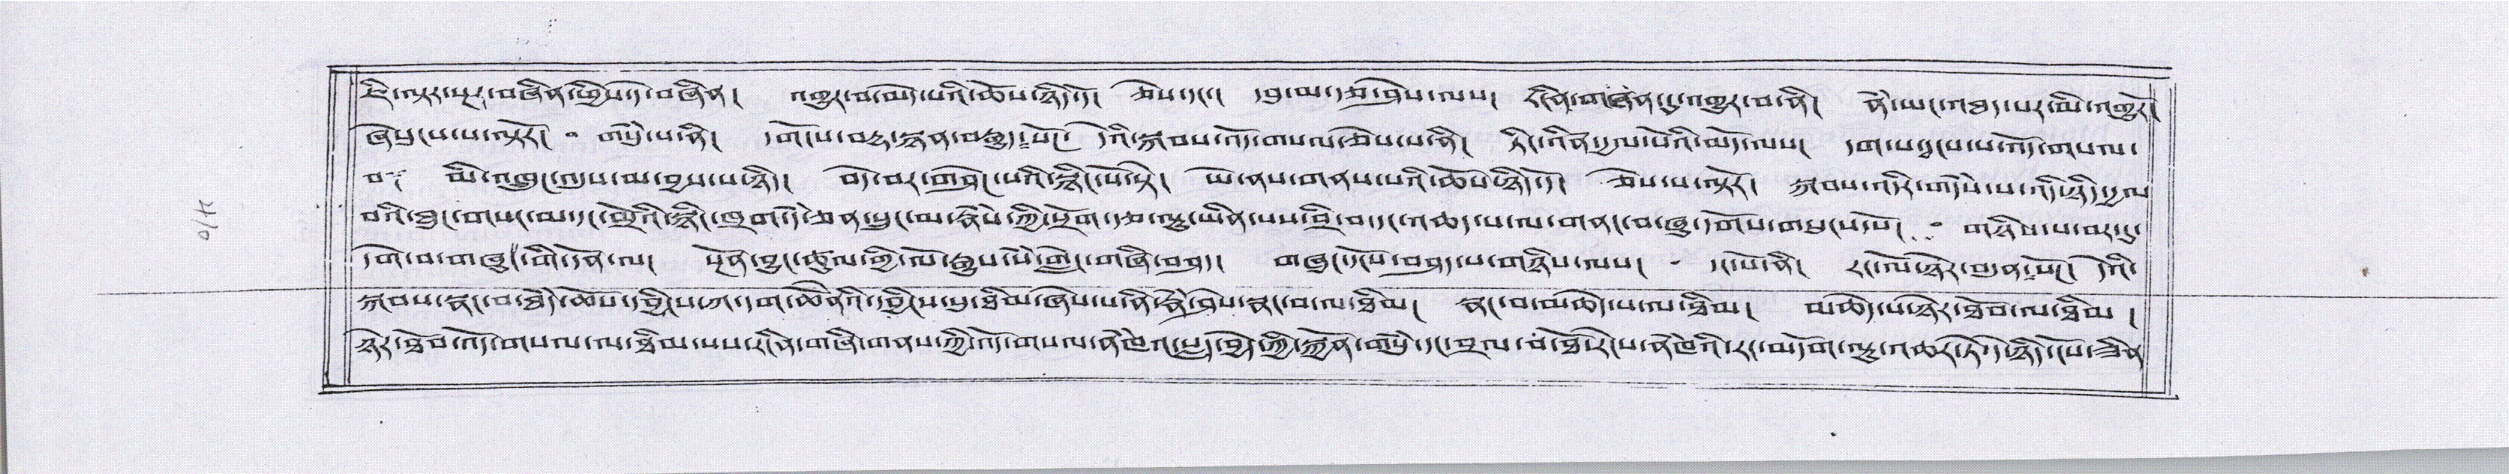ཇི་ལྟར་སྔར་བཞིན་ཕྱེས་དེ་བཞིན། འགྱུར་བ་མེད་པའི་ཆོས་ཉིད་དོ། ཅེས་དང་། དབུ་མ་རྩ་ཤེས་ལས། རང་བཞིན་གཞན་དུ་འགྱུར་བ་ནི། ནམ་ཡང་འཐད་པར་མི་འགྱུར་རོ། 
ཞེས་གསུངས་པ་ལྟར་རོ། ༧ གསུམ་པ་ནི། དགོངས་བརྡ་སྙན་བརྒྱུད་སོགས། དེའི་གནས་སྐབས་འོད་གསལ་ཞེས་པ་ནི། ཏིང་འཛིན་རྒྱལ་པོའི་མདོ་ལས། དག་པ་དྭངས་པ་འོད་གསལ་
བ། མི་འཁྲུགས་འདུས་མ་བྱས་པ་ཉིད། བདེ་བར་གཤེགས་པའི་སྙིང་པོ་སྟེ། ཡེ་ནས་གནས་པའི་ཆོས་ཉིད་དོ། ཅེས་པ་ལྟར་རོ། སྐབས་འདིར་གདམས་པ་འདི་ཉིད་རྒྱལ་
བའི་ཐུགས་གསང་མ་དང་མཁའ་འགྲོའི་སྙིང་ཁྲག་དམ་ཅན་སྲུང་མ་རྣམས་ཀྱི་སྲོག་རྩ་ལྟ་བུ་ཡིན་པས་བྲི་བ་དང་འཆད་པ་ལ་གནང་བ་ཞུ་དགོས་གསུངས་སོ།། ༧ གཉིས་པ་བར་དུ་
དགེ་བ་གཞུང་གི་དོན་ལ། སྔོན་བྱུང་ཚུལ་གྱི་ལོ་རྒྱུས་སམ་གླེང་གཞི་བཤད། གཞུང་དངོས་བཤད་པ་གཉིས་ལས། དང་པོ་ནི། རང་ལོ་ཉེར་བདུན་སོགས། དེའི་
སྐབས་སྣང་བ་ཐམས་ཅད་ཆོས་དབྱིངས་ཀ་དག་ཆེན་པོའི་དབྱིངས་སུ་ཐིམ་ཞེས་པ་ནི་རྣམ་ཤེས་སྣང་བ་ལ་ཐིམ། སྣང་བ་མཆེད་པ་ལ་ཐིམ། མཆེད་པ་ཉེར་ཐོབ་ལ་ཐིམ། 
ཉེར་ཐོབ་འོད་གསལ་ལ་ཐིམ་པས་རང་བཞིན་གཞི་གནས་ཀྱི་འོད་གསལ་ནམ་མཁའ་སླད་བྱེད་ཀྱི་སྐྱོན་གསུམ་དང་བྲལ་བ་ཐོ་རེངས་ནམ་མཁའི་རང་མདོག་ལྟ་བུ་འཆར་ཏེ་དེ་ཉིད་ངོས་ཟིན་